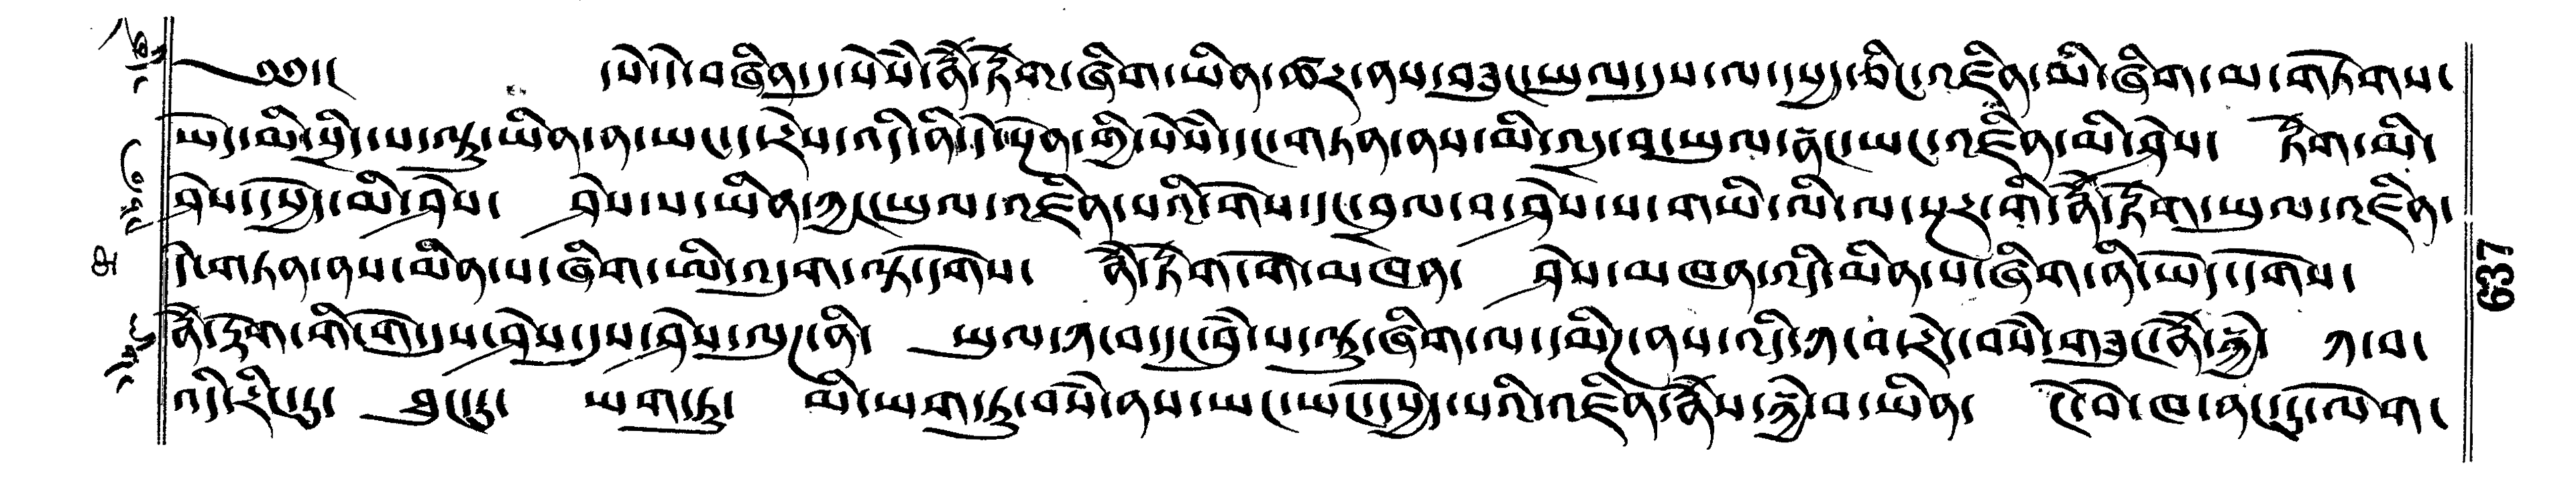དཔེ་དེ་བཞིན་དུ་སེམས་རྣམ་རྟོག་ཞིག་ཡིན་ཚར་ནས་བཟུང་ཡུལ་དུས་ལ་དཔྱད་ཅིང་འཛིན་མི་ཞིག་མ་གཏོགས་
ཡོད་མི་སྲིད་པ་ལྟ་བུ་ཡིན་ན་ཡང་། ད་རེས་འདི་ནི་དེ་སྔོན་གྱི་སེམས་དང་གཏན་ནས་མི་འདྲ་བ་ཡུལ་སྣང་ཡང་འཛིན་མི་ཤེས། རྟོག་མི་
ཤེས། དཔྱོད་མི་ཤེས། ཤེས་པ་ཡིན་ཀྱང་ཡུལ་འཛིན་པའི་གོས་དང་བྲལ་བ་ཤེས་པ་གཡི་ལི་མ་སྔར་གྱི་རྣམ་རྟོག་ཡུལ་འཛིན་
དེ་གཏན་ནས་མིན་པ་ཞིག་ཨི་འདུག་ལྟ་དགོས། རྣམ་རྟོག་གོ་མཁན། ཤེས་མཁན་འདི་མིན་པ་ཞིག་ནི་ཡོད་དགོས། 
རྣམ་རྟོག་གི་གོ་དུས་ཤེས་དུས་ཤེས་ལུགས་ནི། ཡུལ་ཀ་བ་དང་བུམ་པ་ལྟ་བུ་ཞིག་ལ་དམིགས་ནས་འདི་ཀ་བ་རེད་བསམ་གཟུང་རྣམ་སྐྱེ། ཀ་བ་
འདི་རིང་དུ། ཐུང་དུ། ཡག་ཏུ། མི་ཡག་ཏུ་བསམ་ནས་ཡང་ཡང་དཔྱོད་པའི་འཛིན་རྣམ་སྐྱེ་བ་ཡིན། ངོ་བོ་ཁ་ནང་དུ་ལོག་